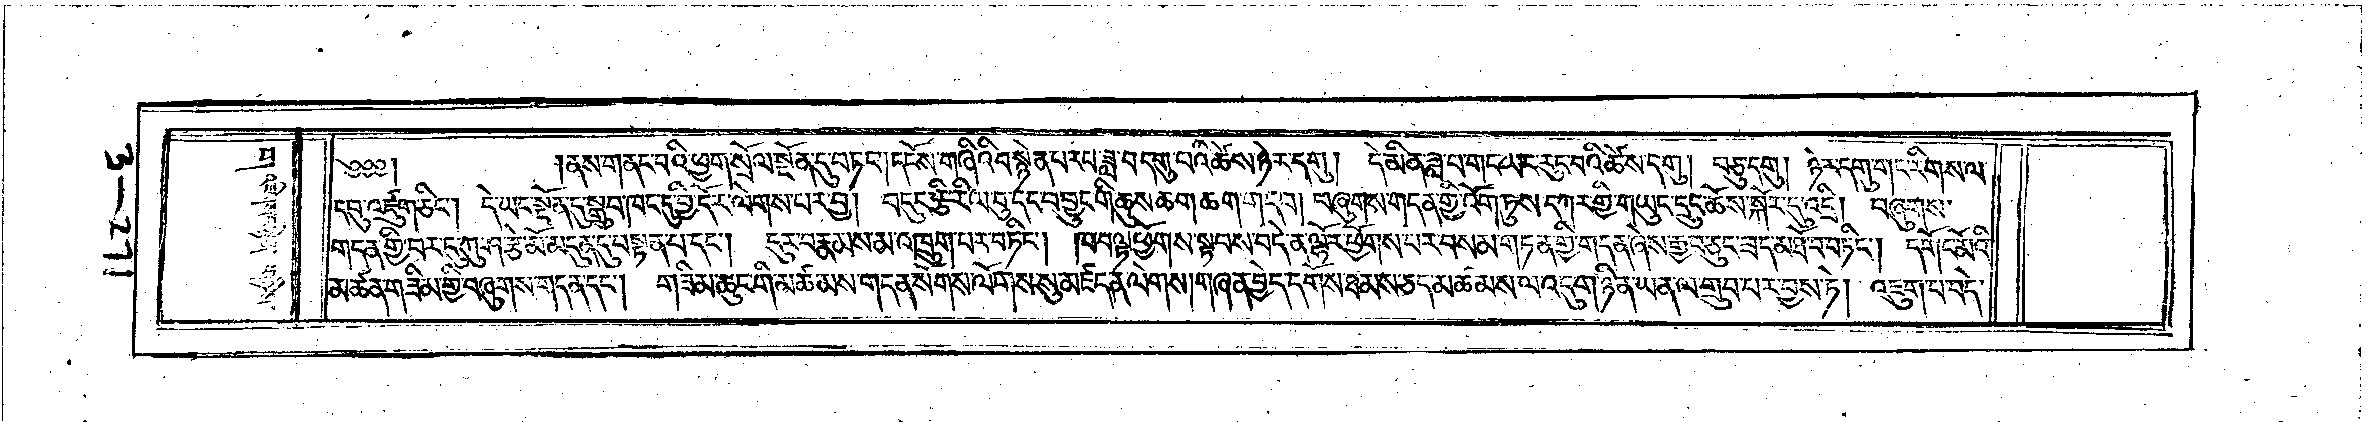༄༅༅། །ནས་གནང་བའི་ཕྱག་སྲོག་སྔོན་དུ་བཏང་། དངོས་གཞིའི་བསྙེན་པར་པ་ཟླ་བ་དགུ་པའི་ཚེས་ཉེར་དགུ ། དེ་མིན་ཟླ་པ་གང་ཡང་རུང་བའི་ཚེས་དགུ །བཅུ་དགུ། ཉེར་དགུ་གང་རིགས་ལ་
དབུ་འཛུག་ཅིང་། དེ་ཡང་སྔོན་དུ་སྒྲུབ་ཁང་དུ་བྱི་དོར་ལེགས་པར་བྱ། བདུང་རྩི་རིལ་བུ་དང་བ་བྱུང་གི་ཆུས་ཆག་ཆག་གདབ། བཞུགས་གདན་གྱི་འོག་ཏུས་དཀར་གྱི་གཡུང་དྲུང་ཆོས་སྐོར་དུ་འདྲི། བཞུགས་
གདན་གྱི་བར་དུ་ཀུ་ཤ་རྩེ་མོ་མདུན་དུ་བསྟན་པ་དང་། དུར་བ་རྣམས་མ་འཁྲུག་པར་བཏིང་། ཁ་བལྟ་ཕྱོགས་སྟབས་བདེ་ན་ལྷོར་ཕྱོགས་པར་བསམ་གཏན་གྱི་གདན་ཞེས་རྒྱབ་ཅུང་ཟད་མཐོ་བ་བཏིང་། དགོང་མོའི་
མཚན་གཟིམ་གྱི་བཞུགས་གདན་དང་། གཟིམ་ཆུང་གི་མཚམས་གདན་སོགས་ལོགས་སུ་མཛད་ན་ལེགས། གཞན་བྱེད་དགོས་ཐམས་ཅད་མཚམས་ལ་འདུག་ཉིན་ཡན་ལ་གྲུབ་པར་བྱས་ཏེ། འཇུག་པ་བདེ་